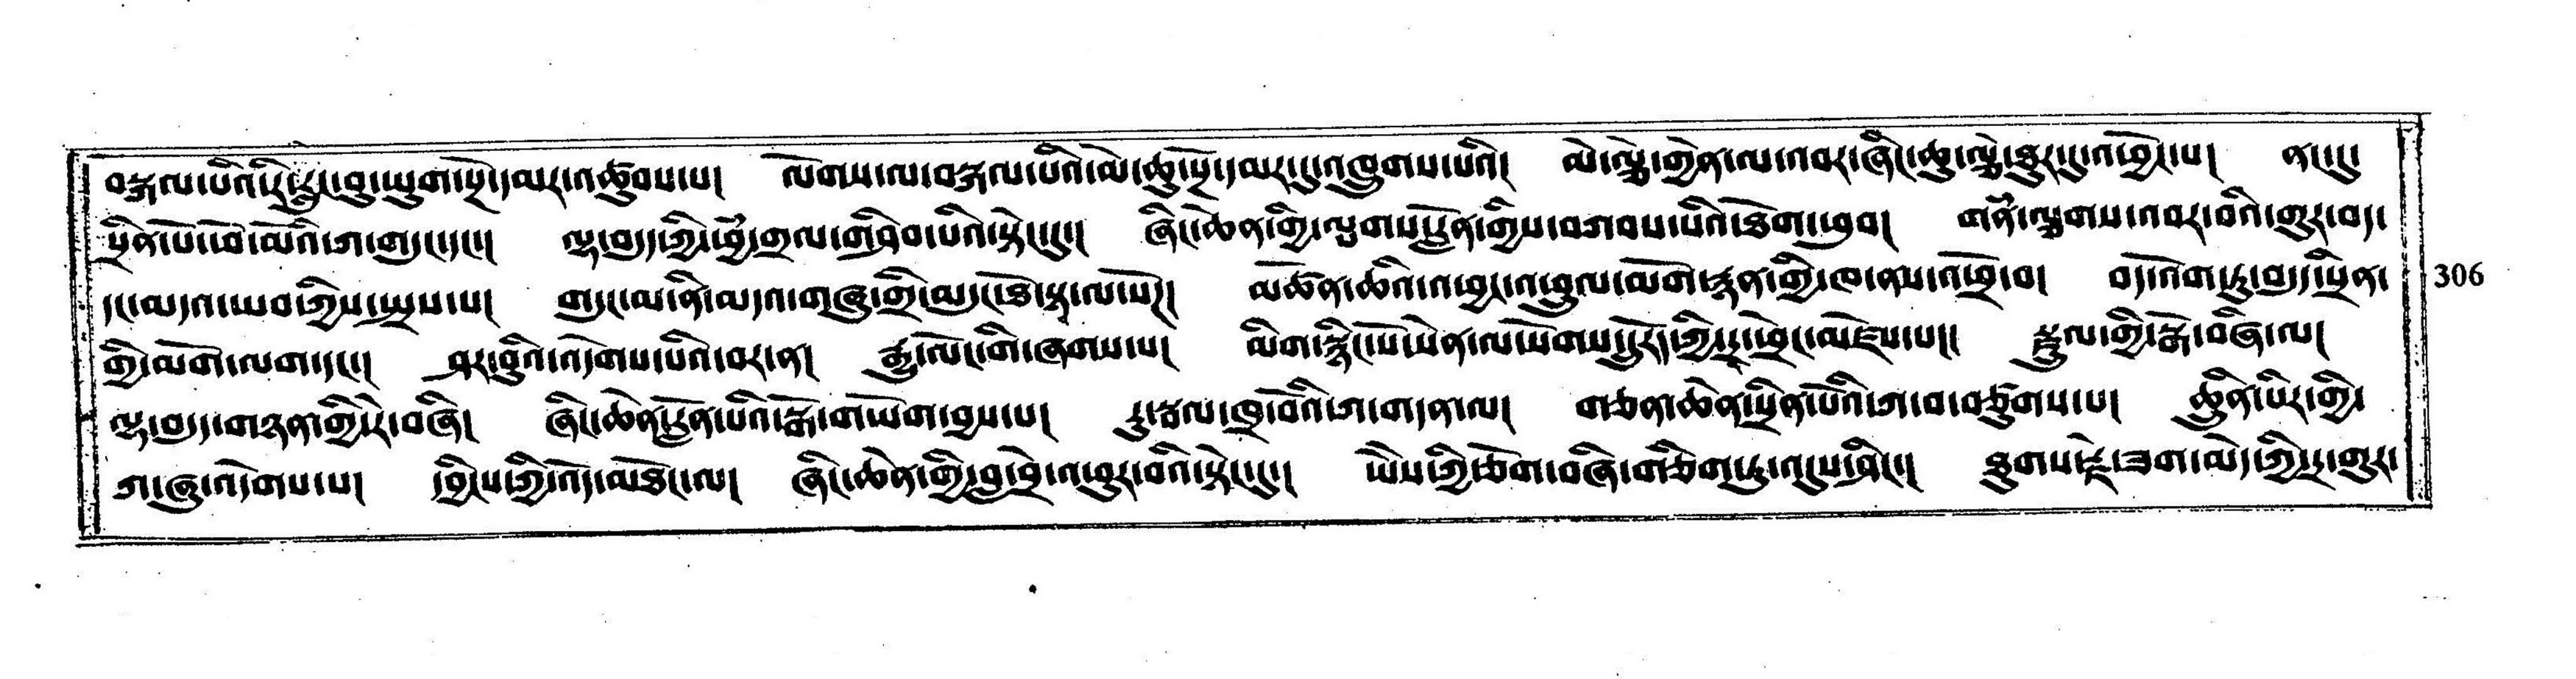བསྐལ་པའི་རི་རླུང་བུ་ཡུག་སྔོ་དམར་འཚུབས་པ། ལོགས་ལ་བསྐལ་པའི་མེ་ཆུ་སྔོ་དམར་དུ་འཁྲུགས་པའི། མེ་ལྕེ་གྱེན་ལ་འབར་ཞིང་ཆུ་ལྕེ་ཐུར་དུ་འཕྱང་པ། ནང་དུ་
སྲིན་པོ་ཕོ་མོའི་ཀ་གདུང་དང་། ལྷ་བདུད་ཀྱི་ཕྱམ་གྲལ་གཤིབ་པའི་སྟེང་དུ། ཞིང་ཆེན་གྱི་ལྤགས་རློན་གྱིས་བཀབས་པའི་ཐོག་ཕུབ། གནམ་ལྕགས་འབར་བའི་གུར་བད་
དང་མདའ་ཡབ་ཀྱིས་སྤྲས་པ། གདུང་མ་ནི་མདའ་གཞུ་གྲི་མདུང་ཐོ་སྟྭ་ལ་སོགས། མཚོན་ཆའི་འཕྱང་འཕྲུལ་མགོ་བརྙན་གྱི་ཁ་ནས་འཕྲོ་བ། བད་འོག་ཏུ་བདུད་སྲིན་
གྱི་མགོ་ལག་དང་། ཤར་བུའི་འདེགས་པའི་བར་ན། རྒྱུ་ལོང་གི་ཞགས་པ། མིག་སྙིང་སོ་སེན་ལ་སོགས་དུར་ཁྲོད་ཀྱི་དྲྭ་ཕྲེང་མཛེས་པ།། རྫུ་འཕྲུལ་གྱི་སྒོ་བཞི་ལ། 
ལྷ་བདུད་གཉན་གྱི་རེ་བཞི། ཞིང་ཆེན་རློན་པའི་སྒོ་གཡོག་བྱས་པ། རུ་སྦལ་ཁྲ་བོའི་ཀ་གདན་ལ། གཅན་ཆེན་སྲིན་པོའི་ཀ་བ་བཙུགས་པ། ཆུ་སྲིན་པིར་གྱི་
ཀ་ཞུ་འདེགས་པ། དབྱིངས་ཀྱི་འོད་མཐོང་ལ། ཞིང་ཆེན་གྱི་བླ་བྲེ་འཕུར་བའི་སྟེང་དུ། ཡེ་ཤེས་ཀྱི་ཅོག་བཞི་གཅིག་ཏུ་འདུས་ཤིང་། ཐུགས་རྗེ་ཟག་མེད་ཀྱི་དྲ་གུར་